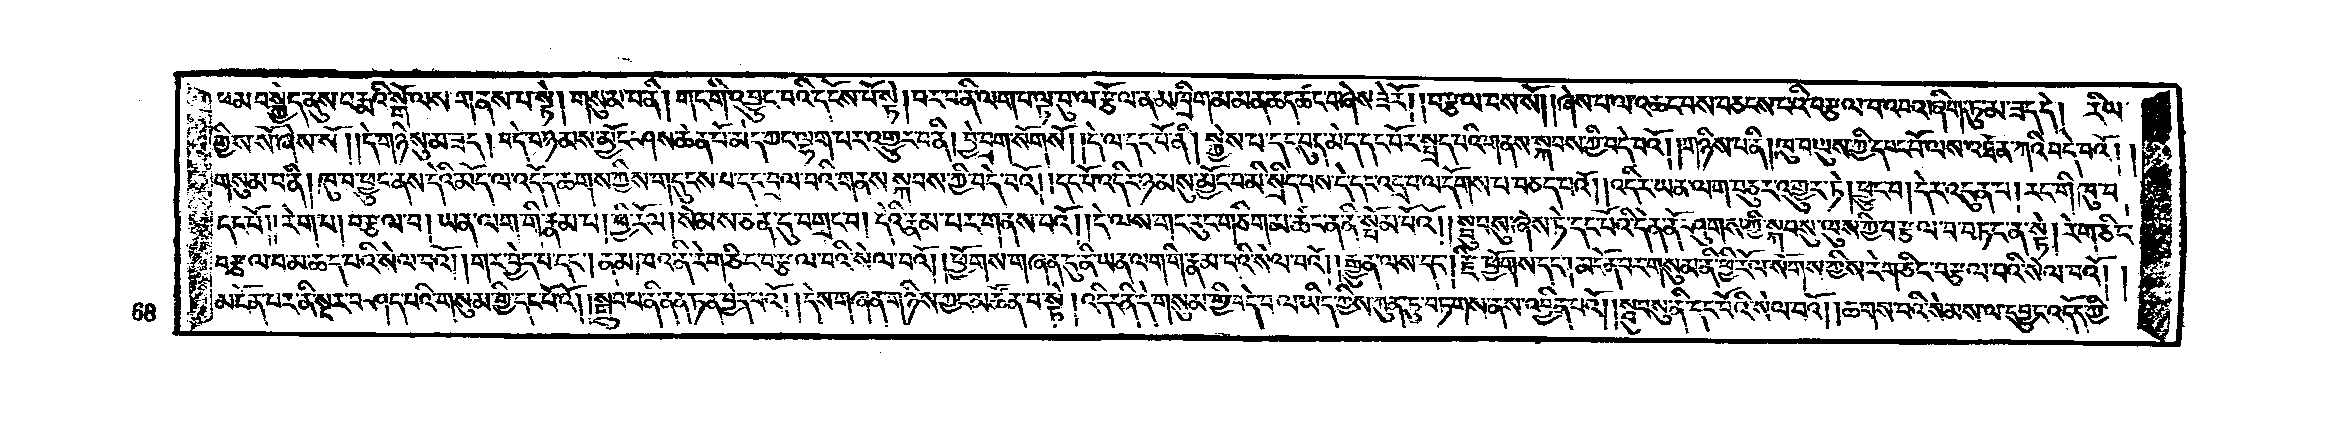ཕམ་པ་སྐྱེད་ནུས་པ་རྨའི་སྒོ་ལས་གནས་པ་སྟེ། གསུམ་པ་ནི། གང་གི་འབྱུང་བའི་དངོས་པོ་སྟེ། བར་པ་ནི་ལག་པ་ལྟ་བུ་ལ་རྩོལ་ན་མཁྲིག་མ་མན་ཆད་ཚང་བ་ཞེས་ཟེར་རོ། །བརྩལ་བས་སོ། །ཞེས་པ་ལ་འཆང་བས་བཅངས་པའི་བརྩལ་བ་འབའ་ཞིག་ཏུ་མ་ཟད་དེ། རི་ལ་?
གྱིས་སེ་ཞེས་སོ། །དེ་གཉིས་སུ་མ་ཟད། བདེ་བ་ཉམས་མྱོང་ཤས་ཆེན་པོ་མེད་གང་ལྷག་པར་འགྱུར་བ་ནི། བྱེ་བྲག་སོགས་སོ། །དེ་ལ་དང་པོ་ནི། སྐྱེས་པ་དང་བུད་མེད་དང་པོར་སྤྲད་པའི་གནས་སྐབས་ཀྱི་བདེ་བའོ། །གཉིས་པ་ནི། ཁུ་བ་ལུས་ཀྱི་དབང་པོ་ལས་འཐོན་ཀའི་བདེ་བའོ། །
གསུམ་པ་ནི། ཁུ་བ་ཕྱུང་ནས་དེའི་མེད་ལ་འདོད་ཆགས་ཀྱིས་གདུངས་པ་དང་བྲལ་བའི་གནས་སྐབས་ཀྱི་བདེ་བའོ། །དང་པོ་འདིར་ཉམས་སུ་མྱོང་བ་མི་སྲིད་པས་དེ་དང་འདྲ་བ་ལ་དོགས་པ་བཅད་པའོ། །འདིར་ཡན་ལག་བཅུར་འགྱུར་ཏེ། ཕྱུང་བ། དེར་འདུན་པ། རང་གི་ཁུ་བ།
དང་པོ། །རེག་པ། བརྩལ་བ། ཡན་ལག་གི་རྣམ་པ། ཕྱི་རོལ། སེམས་ཅན་དུ་བགྲང་པ། དེའི་རྣམ་པར་གནས་པའོ། །དེ་ལས་གང་རུང་གཅིག་མ་ཚང་ན་ནི་སྦོམ་པོའོ། །སྦུབས་སུ་ཞས་ཏེ་དང་པོའི་དོན་ནོ་ཤུགས་ཀྱི་སྐབས་སུ་ལུས་ཀྱི་བརྩལ་བ་བཏང་ན་སྟེ། རེག་ཅིང་
བརྩལ་བ་མ་ཆད་པའི་སེལ་བའོ། །གར་བྱེད་པ་དང་། ནམ་མཁའ་ནི་རེག་ཅིང་བརྩལ་བའི་སེལ་བའོ། །ཕྱོགས་གཞན་དུ་ནི་ཡན་ལག་གི་རྣམ་པའི་སེལ་བའོ། །རྒྱུན་ལས་དང་། རྫི་ཕྱོགས་དང་། མངོན་པར་གསུམ་ནི་ཕྱི་རོལ་སོགས་ཀྱིས་རེག་ཅིང་བརྩལ་བའི་སེལ་བའོ། །
མངོན་པར་ནི་སྔར་བཤད་པའི་གསུམ་གྱི་དང་པོའོ། །སྒྲུབ་པ་ནི་ནན་ཏན་བྱེད་པའོ། །དེས་གཞན་གཉིས་ཀྱང་མཚོན་པ་སྟེ། འདིར་ནི་དེ་གསུམ་གྱི་བདེ་བ་ལ་ཡིད་ཀྱིས་ཀུན་ཏུ་བཏགས་ནས་འབྱིན་པའོ། །སྦུབས་སུ་ནི་དང་པོའི་སེལ་བའོ། །ཆགས་པའི་སེམས་ལ་དབྱུང་འདོད་ཀྱི་